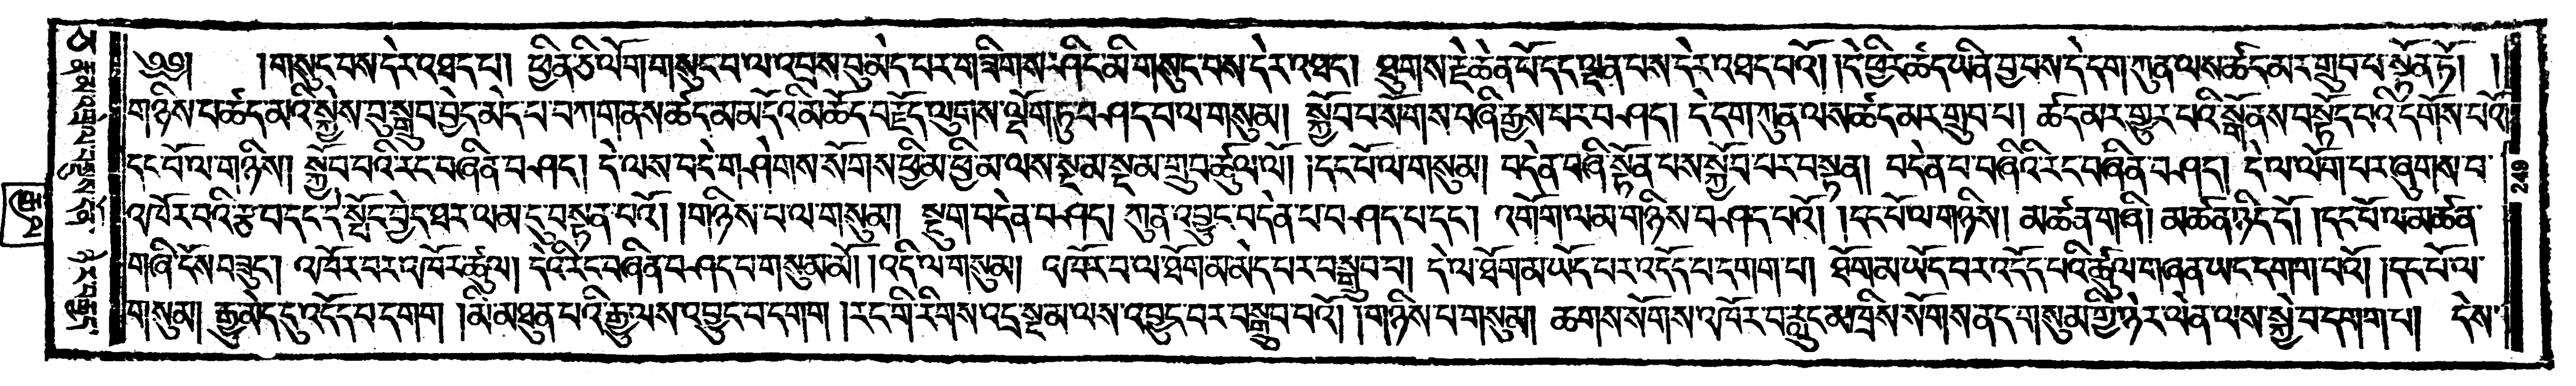༄༅། །གསུང་བས་དེར་འཐད་པ། ཕྱིན་ཅི་ལོག་གསུང་བ་ལ་འབྲས་བུ་མེད་པར་གཟིགས་ཤིང་མི་གསུང་བས་དེར་འཐད། ཐུགས་རྗེ་ཆེན་པོ་དང་ལྡན་པས་དེར་འཐད་པའོ། །དེ་ཕྱིར་ཚད་ཡིན་བྱ་བས་དེ་དག་ཀུན་ལས་ཚད་མར་གྲུབ་པ་སྟོན་ཏོ། །
གཉིས་པ་ཚད་མའི་སྐྱེས་བུ་སྒྲུབ་བྱེད་མེད་པ་བཀག་ནས་ཚད་མ་མདོའི་མཆོད་བརྗོད་ལུགས་ལྡོག་ཏུ་བཤད་པ་ལ་གསུམ། སྐྱོབ་པ་སོགས་བཞི་རྒྱས་པར་བཤད། དེ་དག་ཀུན་ལས་ཚད་མར་གྲུབ་པ། ཚད་མར་གྱུར་པའི་སྒོ་ནས་བསྟོད་པའི་དགོས་པའོ་
དང་པོ་ལ་གཉིས། སྐྱོབ་པའི་རང་བཞིན་བཤད། དེ་ལས་བདེ་གཤེགས་སོགས་ཕྱི་མ་ཕྱི་མ་ལས་སྔ་མ་སྔ་མ་གྲུབ་ཚུལ་ལོ། །དང་པོ་ལ་གསུམ། བདེན་བཞི་སྟོན་པས་སྐྱོབ་པར་བསྟན། བདེན་པ་བཞིའི་རང་བཞིན་བཤད། དེ་ལ་ལོག་པར་ཞུགས་པ་
འཁོར་བའི་རྩ་བ་དང་དེ་སྤོང་བྱེད་ཐར་ལམ་དུ་བསྟན་པའོ། །གཉིས་པ་ལ་གསུམ། སྡུག་བདེན་བཤད། ཀུན་འབྱུང་བདེན་པ་བཤད་པ་དང་། འགོག་ལམ་གཉིས་བཤད་པའོ། །དང་པོ་ལ་གཉིས། མཚན་གཞི། མཚན་ཉིད་དོ། །དང་པོ་ལ་མཚན་
གཞི་ངོས་བཟུང་། འཁོར་བར་འཁོར་ཚུལ། དེའི་རང་བཞིན་བཤད་པ་གསུམ་མོ། །འདི་ལ་གསུམ། འཁོར་བ་ལ་ཐོག་མ་མེད་པར་བསྒྲུབ་པ། དེ་ལ་ཐོག་མ་ཡོད་པར་འདོད་པ་དགག་པ། ཐོག་མ་ཡོད་པར་འདོད་པའི་ཚུལ་གཞན་ཡང་དགག་པའོ། །དང་པོ་ལ་
གསུམ། རྒྱུ་མེད་དུ་འདོད་པ་དགག །མི་མཐུན་པའི་རྒྱུ་ལས་འབྱུང་བ་དགག །རང་གི་རིགས་འདྲ་སྔ་མ་ལས་འབྱུང་བར་བསྒྲུབ་པའོ། །གཉིས་པ་གསུམ། ཆགས་སོགས་འཁོར་བ་རླུང་མཁྲིས་སོགས་ནད་གསུམ་གྱི་ཉེར་ལེན་ལས་སྐྱེ་བ་དགག་པ། དེས་